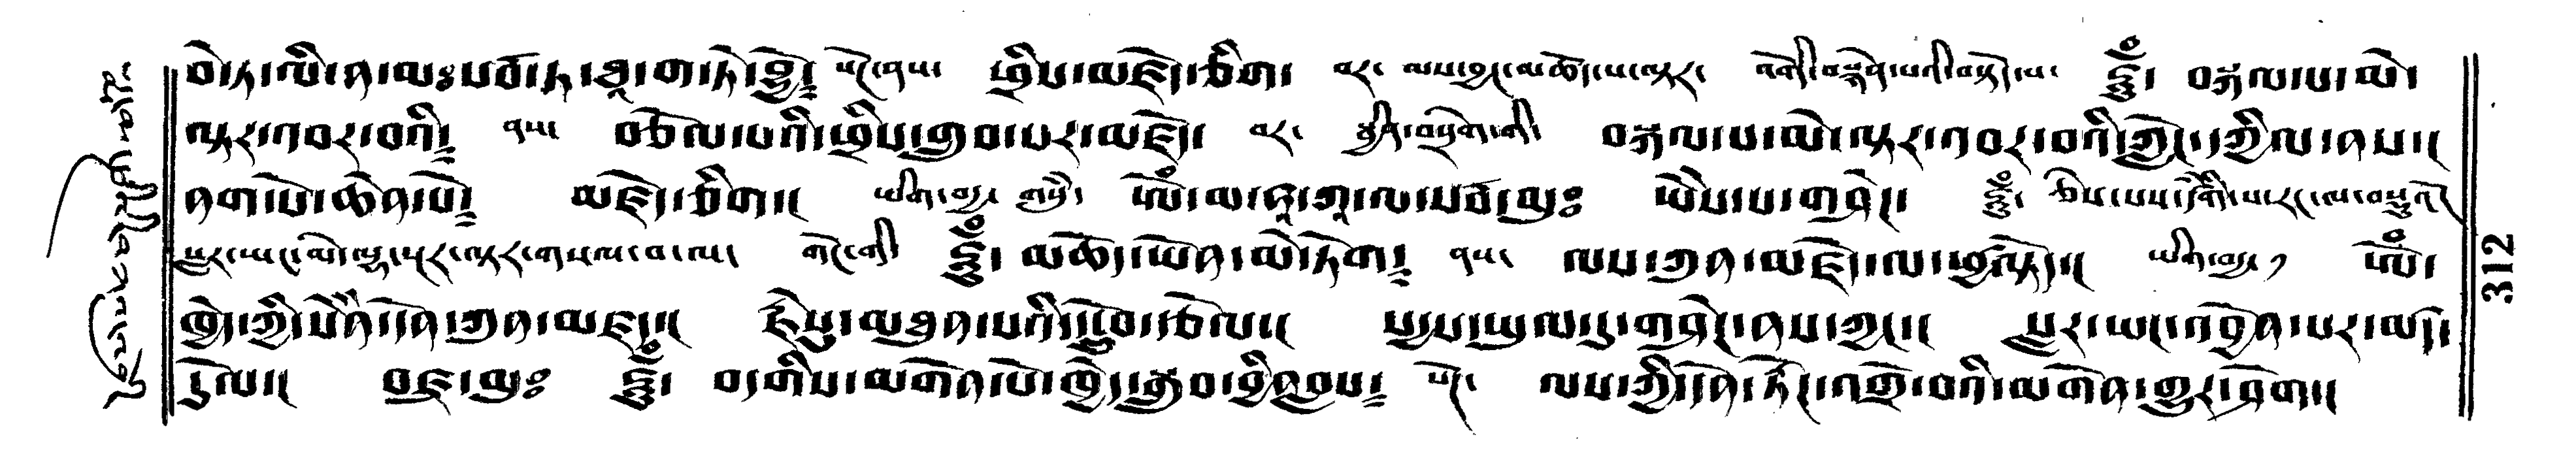བེ་ཏ་ལི་ན་མཿསརྦ་ཏ་ཐཱ་ག་ཏེ་བྷྱོ༴ སོགས་ནས། ཕྲིན་ལས་མཛོད་ཅིག བར། ལས་བྱང་གི་མཆོད་པ་ལྟར་དང་། འོག་གི་བསྙེན་པའི་བསྟོད་པ། ཧཱུྃ། བསྐལ་པ་མེད་
ལྟར་འབར་བའི༴ ནས། བཅོལ་པའི་ཕྲིན་ལས་འགྲུབ་པར་མཛོད། བར། སྦྱིན་སྲེག་ག ི བསྐལ་པ་མེ་ལྟར་འབར་བའི་ཀློང་དཀྱིལ་ནས། 
ནག་པོ་ཆེན་པོ༴ མཛོད་ཅིག ཡིག་བརྒྱ་གསུམ། ཨོཾ་མ་ཧཱ་ཀཱ་ལ་སརྦ་མུཿ ཡེ་ཤེས་པ་གཤེགས། ཧཱུྃ། ཅེས་པ་དམ་ཚིག་པ་རང་ལ་བསྡུའོ། 
སླར་ཡང་མེ་ལྷ་སྔར་ལྟར་གསལ་བ་ལ། གོང་གི ཧཱུྃ། མཆོད་ཡོན་མེ་ཏོག༴ ནས། ལས་ཀུན་མཛད་ལ་ཕྱག་འཚལ་བསྟོད། ཡིག་བརྒྱ་ལན་གཅིག ཨོཾ། 
ཁྱེད་ཀྱིས་སེམས་ཅན་དོན་ཀུན་མཛད། །རྗེས་སུ་མཐུན་པའི་དངོས་གྲུབ་སྩོལ། །སངས་རྒྱས་ཡུལ་དུ་གཤེགས་ནས་ཀྱང་། །སླར་ཡང་འབྱོན་པར་མཛད་
དུ་གསོལ། བཛྲ་མུཿ ཧཱུྃ། བདག་གིས་མགོན་པོ་ཁྱེད་བསྒྲུབས་བྱིན་རླབས༴ སོགས། ལས་ཀྱི་དོན་རྟོགས་འགྲོ་བའི་མགོན་གྱུར་ཤོག དང་།